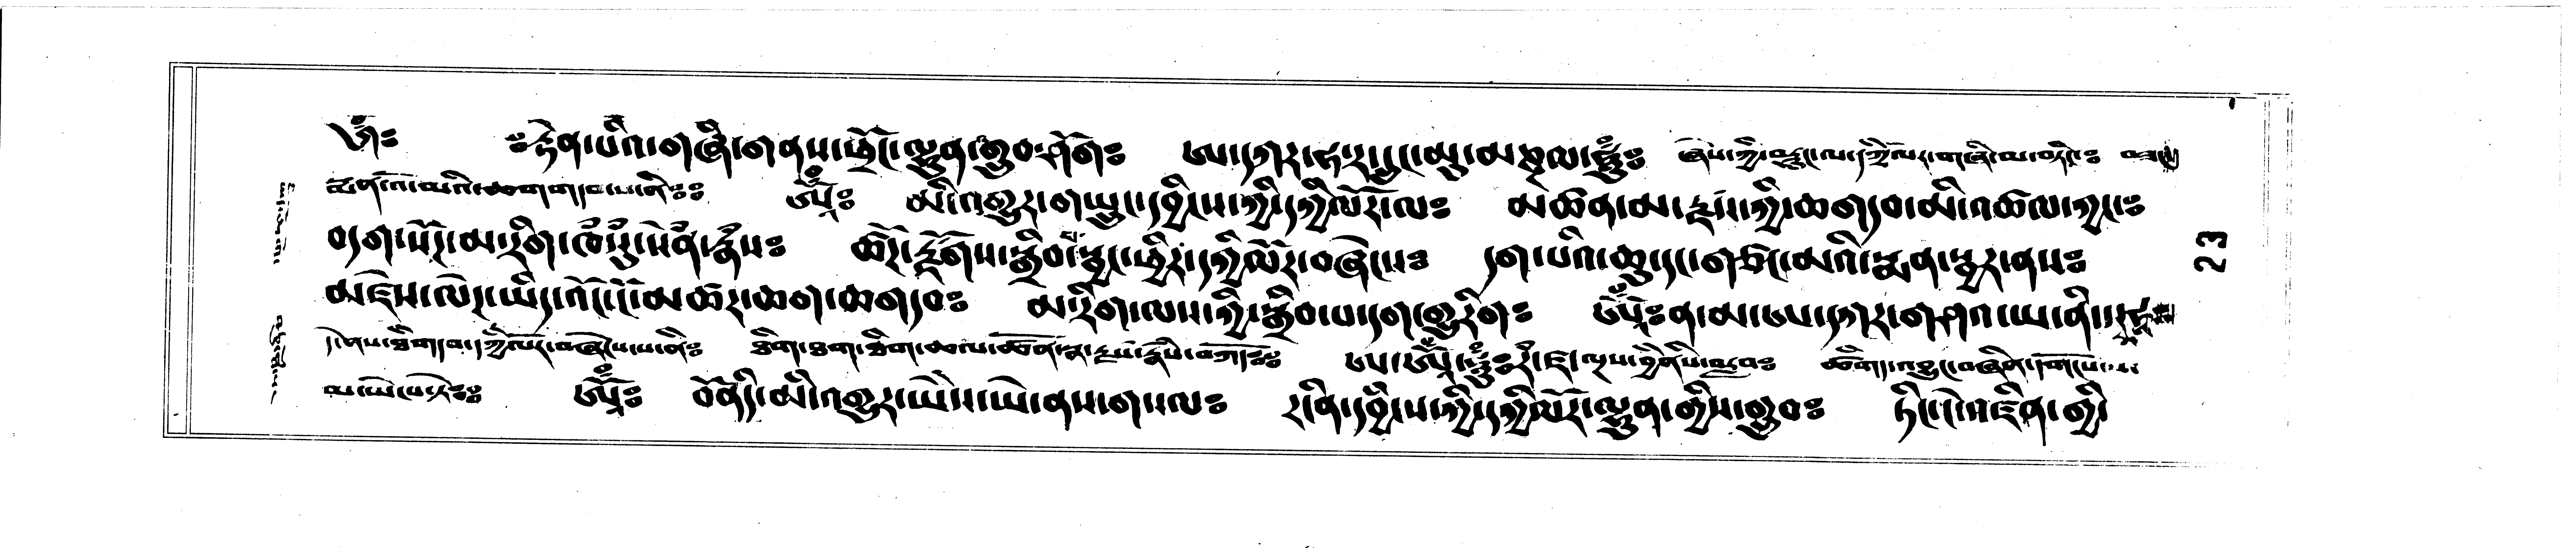རྟེན་པའི་གཞི་གནས་ཕོ་བྲང་ལྷུན་གྲུབ་ཤོགཿ ཨ་དཀར་ཧ་ར་དྲུང་མུ་མཎྜལ་ཧཱུྂཿ ཞེས་ཀྱི་བརྡུང་ལ་དཀྱིལ་འཁོར་གཞི་མ་བཏིངཿ བཟང་
སྨན་འོ་མའི་ཆག་ཆག་གདབ་པ་ནིཿ ཨཱོྃཿ མི་འགྱུར་གཡུང་དྲུང་དབྱིངས་ཀྱི་དཀྱིལ་འཁོར་ལཿ མཚན་མ་རྫས་ཀྱི་ཆག་གདབ་མི་འཚལ་ཀྱངཿ 
བདག་སོགས་མ་རིག་ཁམས་གསུམ་སེམས་ཅན་རྣམསཿ ཚོགས་རྫོགས་སྒྲིབ་པ་སྦྱང་ཕྱིར་དཀྱིལ་འཁོར་བཞེངསཿ དག་པའི་ཆུ་དང་གཙང་མའི་སྨན་སྦྱར་ནསཿ 
མཛེས་ལེགས་ཡིད་འོང་ངོ་མཚར་ཆག་ཆག་གདབཿ མ་རིག་ལས་ཀྱི་སྒྲིབ་པ་དག་གྱུར་ཅིགཿ ཨཱོྃ་ན་མ་ཨ་དཀར་གཤའ་ཡ་ནི་སྭཱཧཱཿ 
དེ་ནས་ཐིག་གདབ་དཀྱིལ་འཁོར་བཞེངས་པ་ནིཿ ཐིག་ཐག་ཐིག་ཆལ་ཚོན་སྣ་རྫས་རྣམས་བཀོདཿ ཨ་ཨཱོྃ་ཧཱུྃ་རྃ་ཛཿ ལྔས་བྱིན་གྱིས་བརླབསཿ ཚིག་བཤད་འབྱུང་བཞིན་དགོངས་པ་
མ་གཡེངས་ཏེཿ ཨཱོྃཿ བོན་ཉིད་མི་འགྱུར་ཡེ་ཤེས་ཡེ་ནས་གསལཿ རང་བཞིན་དབྱིངས་ཀྱི་དཀྱིལ་འཁོར་ལྷུན་གྱིས་གྲུབཿ ཏིང་ངེ་འཛིན་གྱི་